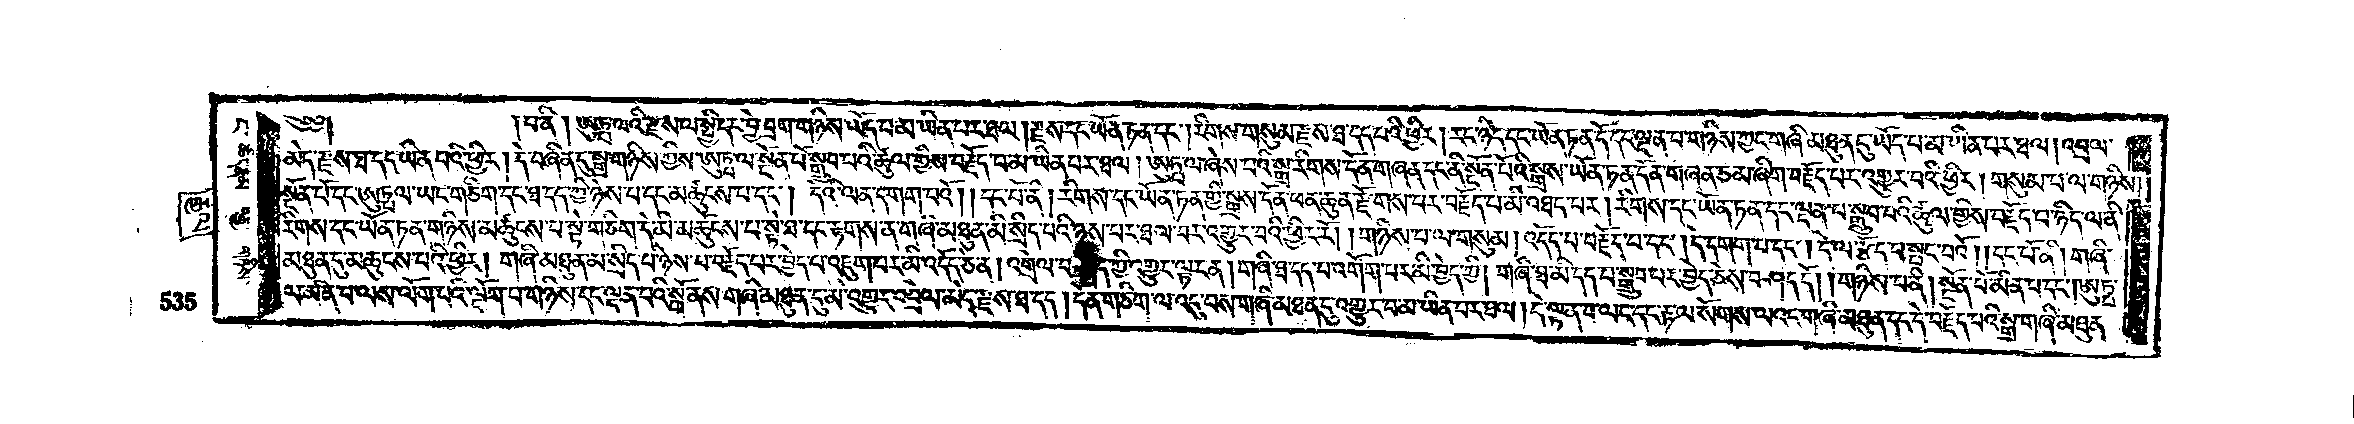༄༅། །པ་ནི། ཨུཏཔ་ལའི་རྫས་ལ་སྤྱི་དང་བྱེ་བྲག་གཉིས་ཡོད་པ་མ་ཡིན་པར་ཐལ། རྫས་དང་ཡོན་ཏན་དང་། རིགས་གསུམ་རྫས་ཐ་དད་པའི་ཕྱིར། རང་ཉིད་དང་ཡོན་ཏན་དོན་དང་ལྡན་པ་གཉིས་ཀྱང་གཞི་མཐུན་དུ་ཡོད་པ་མ་ཡིན་པར་ཐལ། འབྲེལ་
མེད་རྫས་ཐ་དད་ཡིན་པའི་ཕྱིར། དེ་བཞིན་དུ་སྒྲ་གཉིས་ཀྱིས་ཨུཏཔ་ལ་སྔོན་པོ་སྒྲུབ་པའི་ཚུལ་གྱིས་བརྗོད་པ་མ་ཡིན་པར་ཐལ། ཨུཏཔ་ལ་ཞེས་པའི་སྒྲ་རིགས་དོན་གཞན་དང་ནི་སྔོན་པོའི་སྒྲས་ཡོན་ཏན་དོན་གཞན་ཙམ་ཞིག་བརྗོད་པར་འགྱུར་བའི་ཕྱིར། གསུམ་པ་ལ་གཉིས།
སྔོན་པོ་དང་ཨུཏཔ་ལ་ཡང་གཅིག་དང་ཐ་དད་ཀྱི་ཉེས་པ་དང་མཚུངས་པ་དང་། དེའི་ལན་དགག་པའོ། །དང་པོ་ནི། རིགས་དང་ཡོན་ཏན་གྱི་སྒྲས་དོན་ཕན་ཚུན་རྫོགས་པར་བརྗོད་པ་མི་འཐད་པར། རིགས་དང་ཡོན་ཏན་དང་ལྡན་པ་སྒྲུབ་པའི་ཚུལ་གྱིས་བརྗོད་པ་ཉིད་ལ་ནི་
རིགས་དང་ཡོན་ཏན་གཉིས་མཚུངས་པ་སྟེ་གཅིག་དེ་མི་མཚུངས་པ་སྟེ་ཐ་དང་རྟགས་ན་གཞི་མཐུན་མི་སྲིད་པའི་ཉེས་པར་ཐལ་བར་འགྱུར་བའི་ཕྱིར། གཉིས་པ་ལ་གསུམ། འདོད་པ་བརྗོད་པ་དང་། དེ་དགག་པ་དང་། དེ་ལ་རྩོད་པ་སྤང་བའོ། །དང་པོ་ནི། གཞི་
མཐུན་དུ་མཚུངས་པའི་ཕྱིར། གཞི་མཐུན་མ་སྲིད་པ་ཉེས་པ་བརྗོད་པར་བྱེད་པ་འཇུག་པར་མི་འདོད་ཅེ་ན། འགྲེལ་བཤད་ཀྱི་འགྱུར་ལྟར་ན། གཞི་ཐ་དད་པ་འགོག་པར་མི་བྱེད་ཀྱི། གཞི་ཐ་མི་དད་པ་སྒྲུབ་པར་བྱེད་ཅེས་བཤད་དོ། །གཉིས་པ་ནི། སྔོན་པོ་མིན་པ་དང་། ཨུཏཔ་
ལ་མིན་པ་ལས་ལོག་པའི་ལྡོག་པ་གཉིས་དང་ལྡན་པའི་སྒོ་ནས་གཞི་མཐུན་དུ་མི་འགྱུར་འབྲེལ་མེད་རྫས་ཐ་དད། དོན་གཅིག་ལ་འདུ་བས་གཞི་མཐུན་དུ་འགྱུར་པ་མ་ཡིན་པར་ཐལ། དེ་ལྟ་ན་བ་ལང་དང་རྟ་ལ་སོགས་ལའང་གཞི་མཐུན་དང་དེ་བརྗོད་པའི་སྒྲ་གཞི་མཐུན་